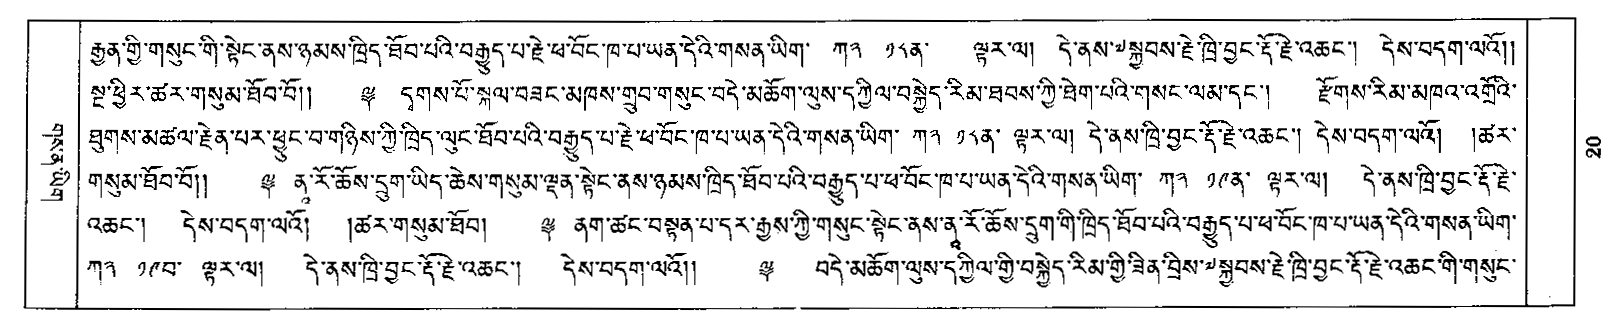རྒྱན་གྱི་གསུང་གི་སྟེང་ནས་ཉམས་ཁྲིད་ཐོབ་པའི་བརྒྱུད་པ་རྗེ་ཕ་བོང་ཁ་པ་ཡན་དེའི་གསན་ཡིག་ཀ ༢ ༡༨་ན་ལྟར་ལ། དེ་ནས་༧་སྐྱབས་རྗེ་ཁྲི་བྱང་རྡོ་རྗེ་འཆང་། དེས་བདག་ལའོ། །
སྔ་ཕྱིར་ཚར་གསུམ་ཐོབ་བོ།། ༈ དྭགས་པོ་སྐལ་བཟང་མཁས་གྲུབ་གསུང་བདེ་མཆོག་ལུས་དཀྱིལ་བསྐྱེད་རིམ་ཐབས་ཀྱི་ཐེག་པའི་གསང་ལམ་དང་། རྫོགས་རིམ་མཁའ་འགྲོའི་
ཐུགས་མཚལ་རྗེན་པར་ཕྱུང་བ་གཉིས་ཀྱི་ཁྲིད་ལུང་ཐོབ་པའི་བརྒྱུད་པ་རྗེ་ཕ་བོང་ཁ་པ་ཡན་དེའི་གསན་ཡིག་ཀ ༢ ༡༨་ན་ལྟར་ལ། དེ་ནས་ཁྲི་བྱང་རྡོ་རྗེ་འཆང་། དེས་བདག་ལའོ། །ཚར་
གསུམ་ཐོབ་བོ།། ༈ ནཱ་རོ་ཆོས་དྲུག་ཡིད་ཆེས་གསུམ་ལྡན་སྟེང་ནས་ཉམས་ཁྲིད་ཐོབ་པའི་བརྒྱུད་པ་ཕ་བོང་ཁ་པ་ཡན་དེའི་གསན་ཡིག་ཀ ༢ ༡༩་ན་ལྟར་ལ། དེ་ནས་ཁྲི་བྱང་རྡོ་རྗེ་
འཆང་། དེས་བདག་ལའོ། །ཚར་གསུམ་ཐོབ། ༈ ནག་ཚང་བསྟན་པ་དར་རྒྱས་ཀྱི་གསུང་སྟེང་ནས་ནཱ་རོ་ཆོས་དྲུག་གི་ཁྲིད་ཐོབ་པའི་བརྒྱུད་པ་ཕ་བོང་ཁ་པ་ཡན་དེའི་གསན་ཡིག་
ཀ ༢ ༡༩་བ་ལྟར་ལ། དེ་ནས་ཁྲི་བྱང་རྡོ་རྗེ་འཆང་། དེས་བདག་ལའོ།། ༈ བདེ་མཆོག་ལུས་དཀྱིལ་གྱི་བསྐྱེད་རིམ་གྱི་ཟིན་བྲིས་༧་སྐྱབས་རྗེ་ཁྲི་བྱང་རྡོ་རྗེ་འཆང་གི་གསུང་